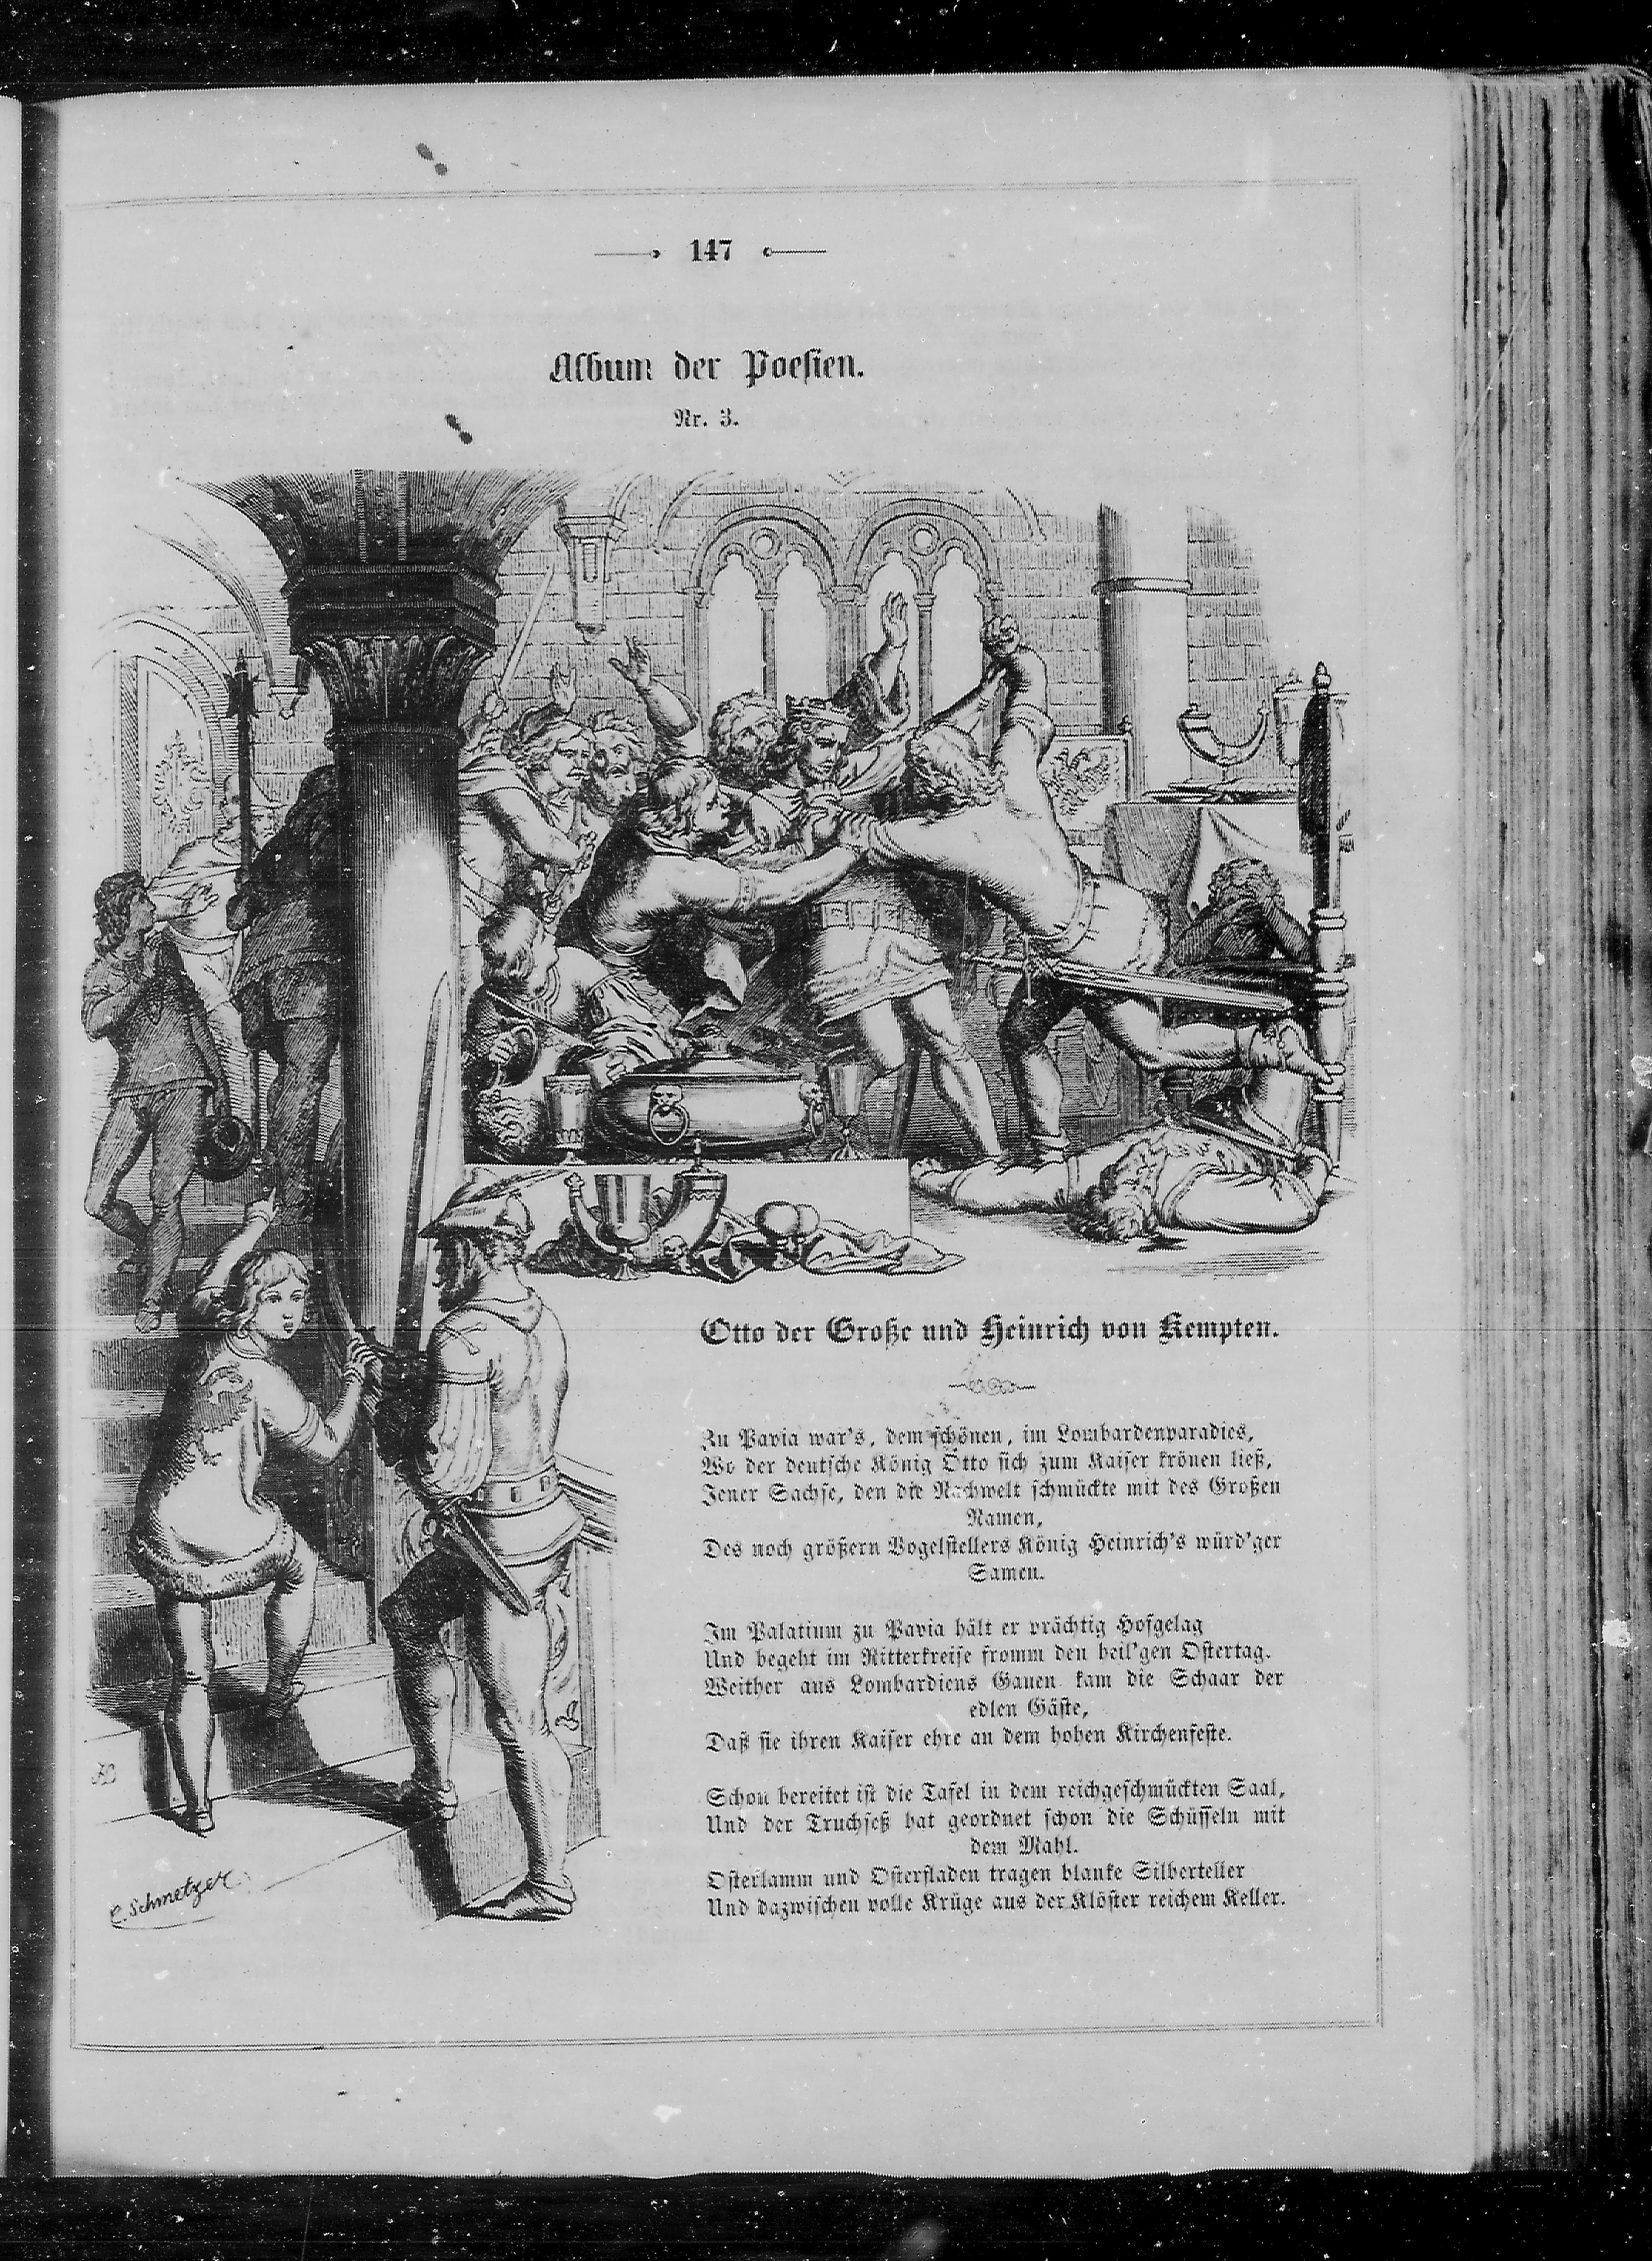Album der Poesien.
Nr. 3.

Otto der Große und Heinrich von Kempten.
Zu Pavia war’s, dem schönen, im Lombardenparadies,
Wo der deutsche König Otto sich zum Kaiser krönen ließ,
Jener Sachse, den die Nachwelt schmückte mit des Großen Namen,
Des noch größern Vogelstellers König Heinrich’s würd’ger Samen.

Im Palatium zu Pavia hält er prächtig Hofgelag
Und begeht im Ritterkreise fromm den heil’gen Ostertag,
Weither aus Lombardiens Gauen kam die Schaar der edlen Gäste,
Daß sie ihren Kaiser ehre an dem hohen Kirchenfeste.

Schon bereitet ist die Tafel in dem reichgeschmückten Saal,
und der Truchseß hat geordnet schon die Schüsseln mit dem Mahl,
Osterlamm und Osterfladen tragen blanke Silberteller
Und dazwischen volle Krüge aus der Klöster reichem Keller.
